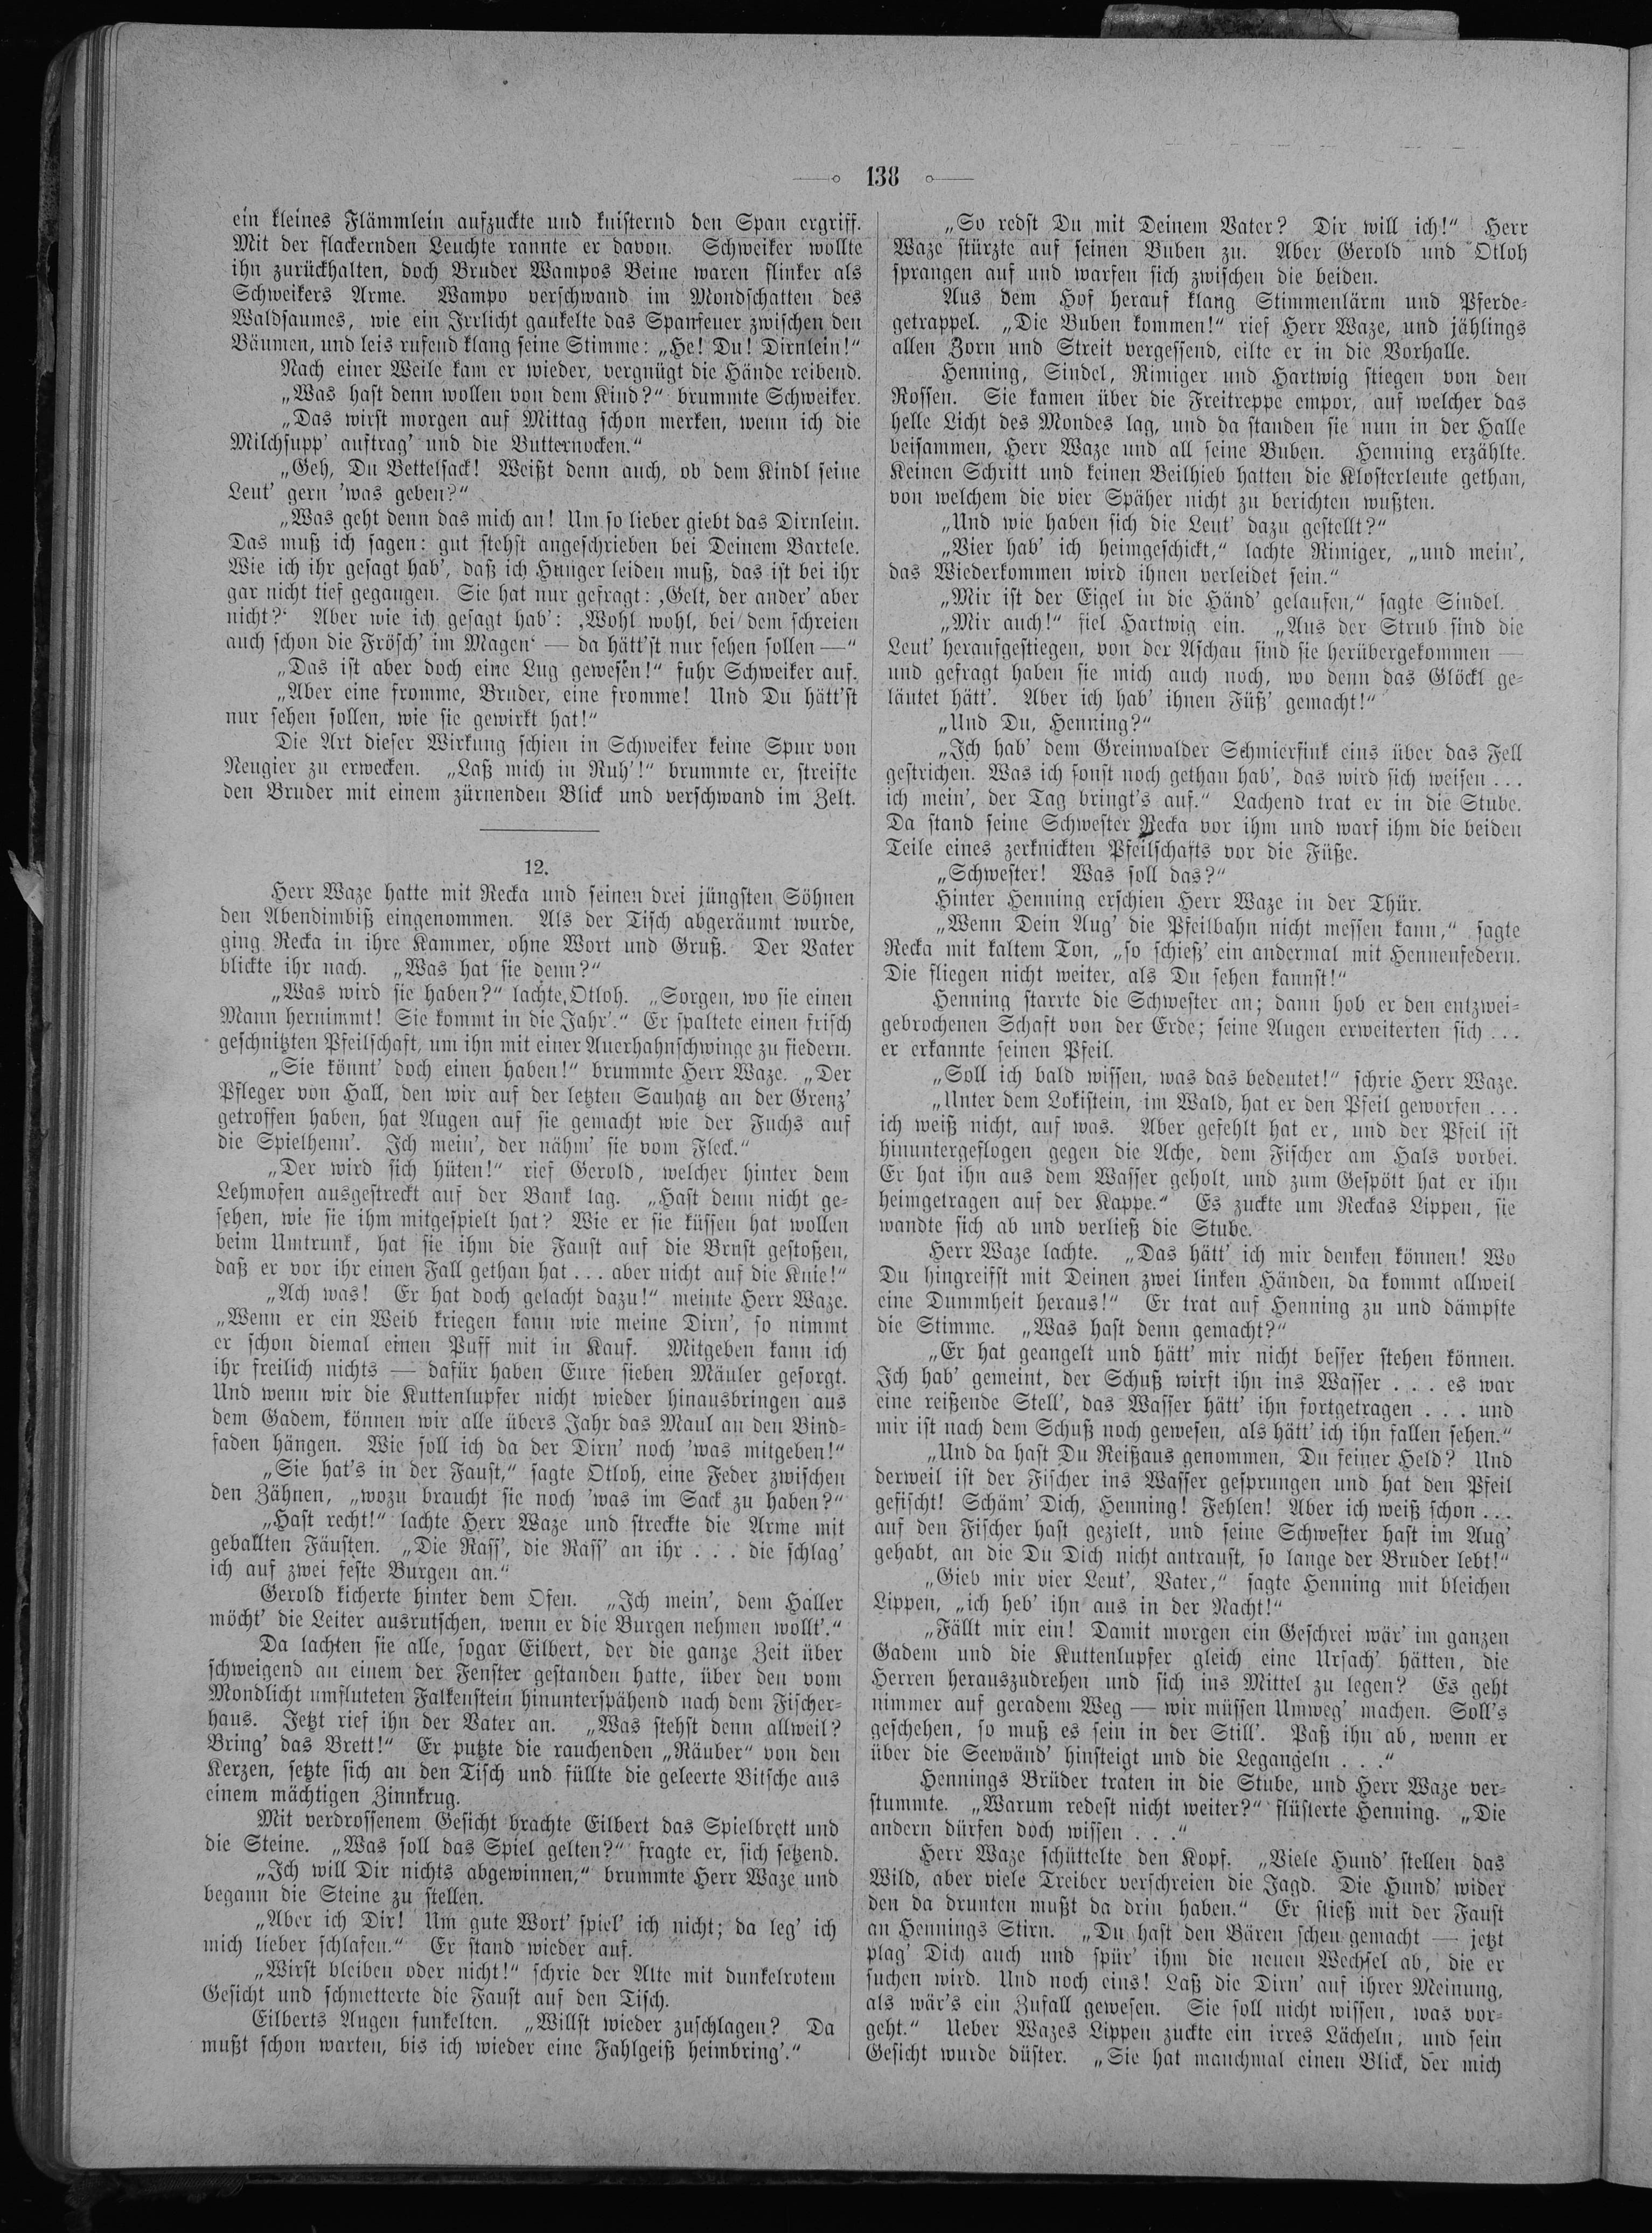ein kleines Flämmlein aufzuckte und knisternd den Span ergriff.

Mit der flackernden Leuchte rannte er davon. Schweiker wollte ihn zurückhalten, doch Bruder Wampos Beine waren flinker als Schweikers Arme. Wampo verschwand im Mondschatten des Waldsaumes, wie ein Irrlicht gaukelte das Spanfeuer zwischen den Bäumen, und leis rufend klang seine Stimme: „He! Du! Dirnlein!“

Nach einer Weile kam er wieder, vergnügt die Hände reibend.

„Was hast denn wollen von dem Kind?“ brummte Schweiker.

„Das wirst morgen auf Mittag schon merken, wenn ich die Milchsupp’ auftrag’ und die Butternocken.“

„Geh, Du Bettelsack! Weißt denn auch, ob dem Kindl seine Leut’ gern ’was geben?“

„Was geht denn das mich an! Um so lieber giebt das Dirnlein. Das muß ich sagen: gut stehst angeschrieben bei Deinem Bartele. Wie ich ihr gesagt hab’, daß ich Hunger leiden muß, das ist bei ihr gar nicht tief gegangen. Sie hat nur gefragt: ‚Gelt, der ander’ aber nicht?‘ Aber wie ich, gesagt hab’: ‚Wohl wohl, bey dem schreien auch schon die Frösch’ im Magen‘ – da hätt’st nur sehen sollen –“

„Das ist aber doch eine Lug gewesen!“ fuhr Schweiker auf.

„Aber eine fromme, Bruder, eine fromme! Und Du hätt’st nur sehen sollen, wie sie gewirkt hat!“

Die Art dieser Wirkung schien in Schweiker keine Spur von Neugier zu erwecken. „Laß mich in Ruh’!“ brummte er, streifte den Bruder mit einem zürnenden Blick und verschwand im Zelt.

12.

Herr Waze hatte mit Recka und seinen drei jüngsten Söhnen den Abendimbiß eingenommen. Als der Tisch abgeräumt wurde, ging Recka in ihre Kammer, ohne Wort und Gruß. Der Vater blickte ihr nach. „Was hat sie denn?“

„Was wird sie haben?“ lachte Otloh. „Sorgen, wo sie einen Mann hernimmt! Sie kommt in die Jahr’.“ Er spaltete einen frisch geschnitzten Pfeilschaft, um ihn mit einer Auerhahnschwinge zu fiedern.

„Sie könnt’ doch einen haben!“ brummte Herr Waze. „Der Pfleger von Hall, den wir auf der letzten Sauhatz an der Grenz’ getroffen haben, hat Augen auf sie gemacht wie der Fuchs auf die Spielhenn’. Ich mein’, der nähm’ sie vom Fleck.“

„Der wird sich hüten!“ rief Gerold, welcher hinter dem Lehmofen ausgestreckt auf der Bank lag. „Hast denn nicht gesehen, wie sie ihm mitgespielt hat? Wie er sie küssen hat wollen beim Umtrunk, hat sie ihm die Faust auf die Brust gestoßen, daß er vor ihr einen Fall gethan hat … aber nicht auf die Knie!“

„Ach was! Er hat doch gelacht dazu!“, meinte Herr Waze. „Wenn er ein Weib kriegen kann wie meine Dirn’, so nimmt er schon diemal einen Puff mit in Kauf. Mitgeben kann ich ihr freilich nichts – dafür haben Eure sieben Mäuler gesorgt. Und wenn wir die Kuttenlupfer nicht wieder hinausbringen aus dem Gadem, können wir alle übers Jahr das Maul an den Bindfaden hängen. Wie soll ich da der Dirn’ noch ’was mitgeben!“

„Sie hat’s in der Faust,“ sagte Otloh, eine Feder zwischen den Zähnen, „wozu braucht sie noch ’was im Sack zu haben?“

„Hast recht!“ lachte Herr Waze und streckte die Arme mit geballten Fäusten. „Die Rass’, die Rass’ an ihr … die schlag’ ich auf zwei feste Burgen an.“

Gerold kicherte hinter dem Ofen. „Ich mein’, dem Haller möcht’ die Leiter ausrutschen, wenn er die Burgen nehmen wollt’.“

Da lachten sie alle, sogar Eilbert, der die ganze Zeit über schweigend an einem der Fenster gestanden hatte, über den vom Mondlicht umfluteten Falkenstein hinunterspähend nach dem Fischerhaus. Jetzt rief ihn der Vater an. „Was stehst denn allweil? Bring’ das Brett!“ Er putzte die rauchenden „Räuber“ von den Kerzen, setzte sich an den Tisch und füllte die geleerte Bitsche aus einem mächtigen Zinnkrug.

Mit verdrossenem Gesicht brachte Eilbert das Spielbrett und die Steine. „Was soll das Spiel gelten?“ fragte er, sich setzend.

„Ich will Dir nichts abgewinnen,“ brummte Herr Waze und begann die Steine zu stellen.

„Aber ich Dir! Um gute Wort’ spiel’ ich nicht; da leg’ ich mich lieber schlafen.“ Er stand wieder auf.

„Wirst bleiben oder nicht!“ schrie der Alte mit dunkelrotem Gesicht und schmetterte die Faust auf den Tisch.

Eilberts Augen funkelten. „Willst wieder zuschlagen? Da mußt schon warten, bis ich wieder eine Fahlgeiß heimbring’.“

„So redst Du mit Deinem Vater? Dir will ich!“ Herr Waze stürzte auf seinen Buben zu. Aber Gerold und Otloh sprangen auf und warfen sich zwischen die beiden.

Aus dem Hof herauf klang Stimmenlärm und Pferdegetrappel. „Die Buben kommen!“ rief Herr Waze, und jählings allen Zorn und Streit vergessend, eilte er in die Vorhalle.

Henning, Sindel, Rimiger und Hartwig stiegen von den Rossen. Sie kamen über die Freitreppe empor, auf welcher das helle Licht des Mondes lag, und da standen sie nun in der Halle beisammen, Herr Waze und all seine Buben. Henning erzählte. Keinen Schritt und keinen Beilhieb hatten die Klosterleute gethan, von welchem die vier Späher nicht zu berichten wußten.

„Und wie haben sich die Leut’ dazu gestellt?“

„Vier hab’ ich heimgeschickt,“ lachte Rimiger, „und mein’, das Wiederkommen wird ihnen verleidet sein.“

„Mir ist der Eigel in die Händ’ gelaufen,“ sagte Sindel.

„Mir auch!“ fiel Hartwig ein. „Aus der Strub sind die Leut’ heraufgestiegen, von der Aschau sind sie herübergekommen und gefragt haben sie mich auch noch, wo denn das Glöckl geläutet hätt’. Aber ich hab’ ihnen Füß’ gemacht!“

„Und Du, Henning?“

„Ich hab’ dem Greinwalder Schmierfink eins über das Fell gestrichen. Was ich sonst noch gethan hab’, das wird sich weisen … ich mein’, der Tag bringt’s auf.“ Lachend trat er in die Stube. Da stand seine Schwester Recka vor ihm und warf ihm die beiden Teile eines zerknickten Pfeilschafts vor die Füße.

„Schwester! Was soll das?“

Hinter Henning erschien Herr Waze in der Thür.

„Wenn Dein Aug’ die Pfeilbahn nicht messen kann,“ sagte Recka mit kaltem Ton, „so schieß’ ein andermal mit Hennenfedern. Die fliegen nicht weiter, als Du sehen kannst!“

Henning starrte die Schwester an; dann hob erden entzweigebrochenen Schaft von der Erde; seine Augen erweiterten sich … er erkannte seinen Pfeil.

„Soll ich bald wissen, was das bedeutet!“ schrie Herr Waze.

„Unter dem Lokistein, im Wald, hat er den Pfeil geworfen … ich weiß nicht, auf was. Aber gefehlt hat er, und der Pfeil ist hinuntergeflogen gegen die Ache, dem Fischer am Hals vorbei. Er hat ihn aus dem Wasser geholt, und zum Gespött hat er ihn heimgetragen auf der Kappe.“ Es zuckte um Reckas Lippen, sie wandte sich ab und verließ die Stube.

Herr Waze lachte. „Das hätt’ ich mir denken können! Wo Du hingreifst mit Deinen zwei linken Händen, da kommt allweil eine Dummheit heraus!“ Er trat auf Henning zu und dämpfte die Stimme. „Was hast denn gemacht?“

„Er hat geangelt und hätt’ mir nicht besser stehen können. Ich hab’ gemeint, der Schuß wirft ihn ins Wasser … es war eine reißende Stell’, das Wasser hätt’ ihn fortgetragen … und mir ist nach dem Schuß noch gewesen, als hätt’ ich ihn fallen sehen.“

„Und da hast Du Reißaus genommen, Du feiner Held? Und derweil ist der Fischer ins Wasser gesprungen und hat den Pfeil gefischt! Schäm’ Dich, Henning! Fehlen! Aber ich weiß schon … auf den Fischer hast gezielt, und seine Schwester hast im Aug’ gehabt, an die Du Dich nicht antraust, so lange der Bruder lebt!“

„Gieb mir vier Leut’, Vater,“ sagte Henning mit bleichen Lippen, „ich heb’ ihn aus in der Nacht!“

„Fällt mir ein! Damit morgen ein Geschrei wär’ im ganzen Gadem und die Kuttenlupfer gleich eine Ursach’ hätten, die Herren herauszudrehen und sich ins Mittel zu legen? Es geht nimmner auf geradem Weg – wir müssen Umweg’ machen. Soll’s geschehen, so muß es sein in der Still’. Paß ihn ab, wenn er über die Seewänd’ hinsteigt und die Legangeln …“

Hennings Brüder traten in die Stube, und Herr Waze verstummte. „Warum redest nicht weiter?“ flüsterte Henning. „Die andern dürfen doch wissen …“

Herr Waze schüttelte den Kopf. „Viele Hund’ stellen das Wild, aber viele Treiber verschreien die Jagd. Die Hund’ wider den da drunten mußt da drin haben.“ Er stieß mit der Faust an Hennings Stirn. „Du hast den Bären scheu gemacht – jetzt plag’ Dich auch und spür’ ihm die neuen Wechsel ab, die er suchen wird. Und noch eins! Laß die Dirn’ auf ihrer Meinung, als wär’s ein Zufall gewesen. Sie soll nicht wissen, was vorgeht.“ Ueber Wazes Lippen zuckte ein irres Lächeln, und sein Gesicht wurde düster. „Sie hat manchmal einen Blick, der mich
